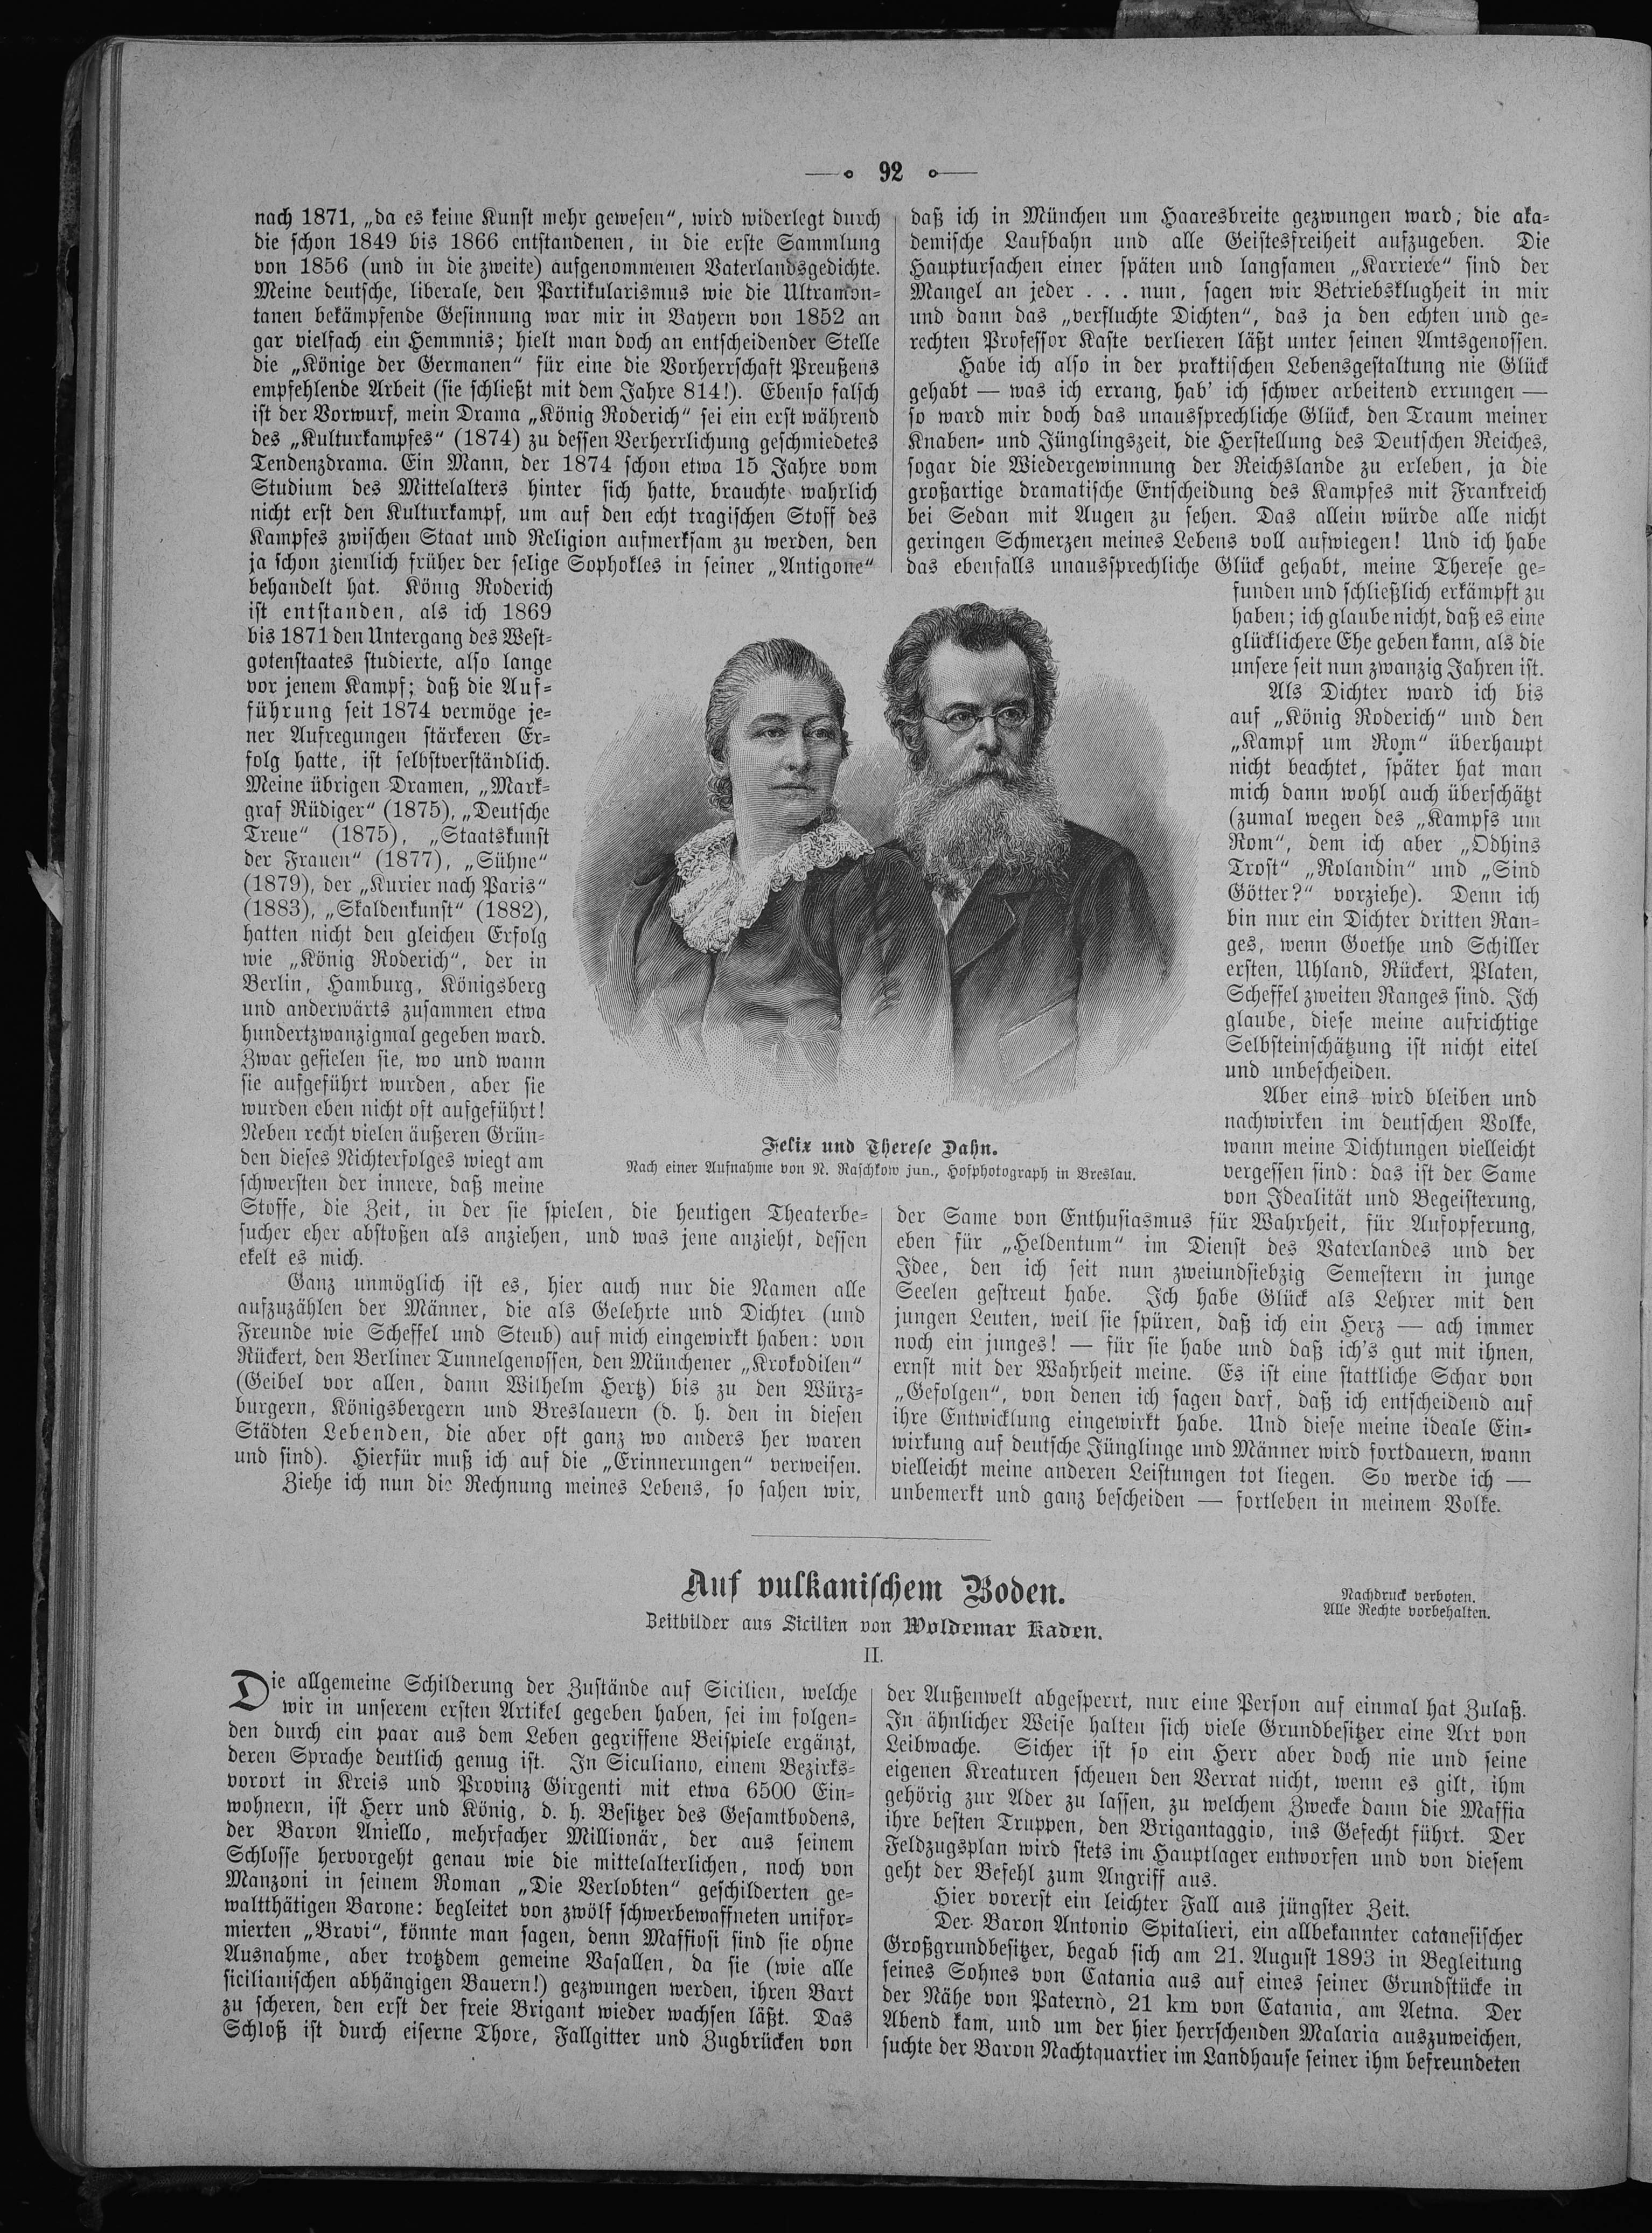nach 1871, „da es keine Kunst mehr gewesen“, wird widerlegt durch die schon 1849 bis 1866 entstandenen, in die erste Sammlung von 1856 (und in die zweite) aufgenommenen Vaterlandsgedichte. Meine deutsche, liberale, den Partikularismus wie die Ultramontanen bekämpfende Gesinnung war mir in Bayern von 1852 an gar vielfach ein Hemmnis; hielt man doch an entscheidender Stelle die „Könige der Germanen“ für eine die Vorherrschaft Preußens empfehlende Arbeit (sie schließt mit dem Jahre 814!). Ebenso falsch ist der Vorwurf, mein Drama „König Roderich“ sei ein erst während des „Kulturkampfes“ (1874) zu dessen Verherrlichung geschmiedetes Tendenzdrama. Ein Mann, der 1874 schon etwa 15 Jahre vom Studium des Mittelalters hinter sich hatte, brauchte wahrlich nicht erst den Kulturkampf, um auf den echt tragischen Stoff des Kampfes zwischen Staat und Religion aufmerksam zu werden, den ja schon ziemlich früher der selige Sophokles in seiner „Antigone“ behandelt hat. Könng Roderich ist entstanden, als ich 1869 bis 1871 den Untergang des Westgotenstaates studierte, also lange vor jenem Kampf; daß die Aufführung seit 1874 vermöge jener Aufregungen stärkeren Erfolg hatte, ist selbstverständlich. Meine übrigen Dramen, „Markgraf Rüdiger“ (1875), „Deutsche Treue“ (1875), „Staatskunst der Frauen“ (1877), „Sühne“ (1879), der „Kurier nach Paris“ (1883), „Skaldenkunst“ (1882), hatten nicht den gleichen Erfolg wie „König Roderich“, der in Berlin, Hamburg, Königsberg und anderwärts zusammen etwa hundertzwanzigmal gegeben ward. Zwar gefielen sie, wo und wann sie aufgeführt wurden, aber sie wurden eben nicht oft aufgeführt! Neben recht vielen äußeren Gründen dieses Nichterfolges wiegt am schwersten der innere, daß meine Stoffe, die Zeit, in der sie spielen, die heutigen Theaterbesucher eher abstoßen als anziehen, und was jene anzieht, dessen ekelt es mich.

Ganz unmöglich ist es, hier auch nur die Namen alle aufzuzählen der Männer, die als Gelehrte und Dichter (und Freunde wie Scheffel und Steub) auf mich eingewirkt haben: von Rückert, den Berliner Tunnelgenossen, den Münchener „Krokodilen“ (Geibel vor allen, dann Wilhelm Hertz) bis zu den Würzburgern, Königsbergern und Breslauern (d. h. den in diesen Städten Lebenden, die aber oft ganz wo anders her waren und sind). Hierfür muß ich auf die „Erinnerungen“ verweisen.

Felix und Therese Dahn.
Nach einer Aufnahme von N. Raschkow jun., Hofphotograph in Breslau.

Ziehe ich nun die Rechnung meines Lebens, so sahen wir, daß ich in München um Haaresbreite gezwungen ward, die akademische Laufbahn und alle Geistesfreiheit aufzugeben. Die Hauptursachen einer späten und langsamen „Karriere“ sind der Mangel an jeder ... nun, sagen wir Betriebsklugheit in mir und dann das „verfluchte Dichten“, das ja den echten und gerechten Profeffor Kaste verlieren läßt unter seinen Amtsgenossen.

Habe ich also in der praktischen Lebensgestaltung nie Glück gehabt – was ich errang, hab’ ich schwer arbeitend errungen – so ward mir doch das unaussprechliche Glück, den Traum meiner Knaben- und Jünglingszeit, die Herstellung des Deutschen Reiches, sogar die Wiedergewinnung der Reichslande zu erleben, ja die großartige dramatische Entscheidung des Kampfes mit Frankreich bei Sedan mit Augen zu sehen. Das allein würde alle nicht geringen Schmerzen meines Lebens voll aufwiegen! Und ich habe das ebenfalls unaussprechliche Glück gehabt, meine Therese gefunden und schließlich erkämpft zu haben; ich glaube nicht, daß es eine glücklichere Ehe geben kann, als die unsere seit nun zwanzig Jahren ist.

Als Dichter ward ich bis auf „König Roderich“ und den „Kamps um Rom“ überhaupt nicht beachtet, später hat man mich dann wohl auch überschätzt (zumal wegen des „Kampfs um Rom“, dem ich aber „Odhins Trost“ „Rolandin“ und „Sind Götter?“ vorziehe). Denn ich bin nur ein Dichter dritten Ranges, wenn Goethe und Schiller ersten, Uhland, Rückert, Platen, Scheffel zweiten Ranges sind. Ich glaube, diese meine aufrichtige Selbsteinschätzung ist nicht eitel und unbescheiden.

Aber eins wird bleiben und nachwirken im deutschen Volke, wann meine Dichtungen vielleicht vergessen sind: das ist der Same von Idealität und Begeisterung, der Same von Enthusiasmus für Wahrheit, für Aufopferung, eben für „Heldentnm“ im Dienst des Vaterlandes und der Idee, den ich seit nun zweiundsiebzig Semestern in junge Seelen gestreut habe. Ich habe Glück als Lehrer mit den jungen Leuten, weil sie spüren, daß ich ein Herz – ach immer noch ein junges! – für sie habe und daß ich’s gut mit ihnen, ernst mit der Wahrheit meine. Es ist eine stattliche Schar von „Gefolgen“, von denen ich sagen darf, daß ich entscheidend auf ihre Entwicklung eingewirkt habe. Und diese meine ideale Einwirkung auf deutsche Jünglinge und Männer wird fortdauern, wann vielleicht meine anderen Leistungen tot liegen. So werde ich – unbemerkt und ganz bescheiden – fortleben in meinem Volke.

Auf vulkanischem Boden.
Zeitbilder aus Sicilien von Woldemar Kaden.

II.

Die allgemeine Schilderung der Zustände auf Sicilien, welche wir in unserem ersten Artikel gegeben haben, sei im folgenden durch ein paar aus dem Leben gegriffene Beispiele ergänzt, deren Sprache deutlich genug ist. In Siculiano, einem Bezirksvorort in Kreis und Provinz Girgenti mit etwa 6500 Einwohnern, ist Herr und König, d. h. Besitzer des Gesamtbodens, der Baron Aniello, mehrfacher Millionär, der aus seinem Schlosse hervorgeht genau wie die mittelalterlichen, noch von Manzoni in seinem Roman „Die Verlobten“ geschilderten gewaltthätigen Barone: begleitet von zwölf schwerbewaffneten uniformierten „Bravi“, könnte man sagen, denn Maffiosi sind sie ohne Ausnahme, aber trotzdem gemeine Vasallen, da sie (wie alle sicilianischen abhängigen Bauern!) gezwungen werden, ihren Bart zu scheren, den erst der freie Brigant wieder wachsen läßt. Das Schloß ist durch eiserne Thore, Fallgitter und Zugbrücken von der Außenwelt abgesperrt, nur eine Person auf einmal hat Zulaß. In ähnlicher Weise halten sich viele Grundbesitzer eine Art von Leibwache. Sicher ist so ein Herr aber doch nie und seine eigenen Kreaturen scheuen den Verrat nicht, wenn es gilt, ihm gehörig zur Ader zu lassen, zu welchem Zwecke dann die Maffia ihre besten Truppen, den Brigantaggio, ins Gefecht führt. Der Feldzugsplan wird stets im Hauptlager entworfen und von diesem geht der Befehl zum Angriff aus.

Hier vorerst ein leichter Fall aus jüngster Zeit.

Der Baron Antonio Spitalieri, ein allbekannter catanesischer Großgrundbesitzer, begab sich am 21. August 1893 in Begleitung seines Sohnes von Catania aus auf eines seiner Grundstücke in der Nähe von Paternò, 21 km von Catania, am Aetna. Der Abend kam, und um der hier herrschenden Malaria auszuweichen, suchte der Baron Nachtquartier im Landhause seiner ihm befreundeten
